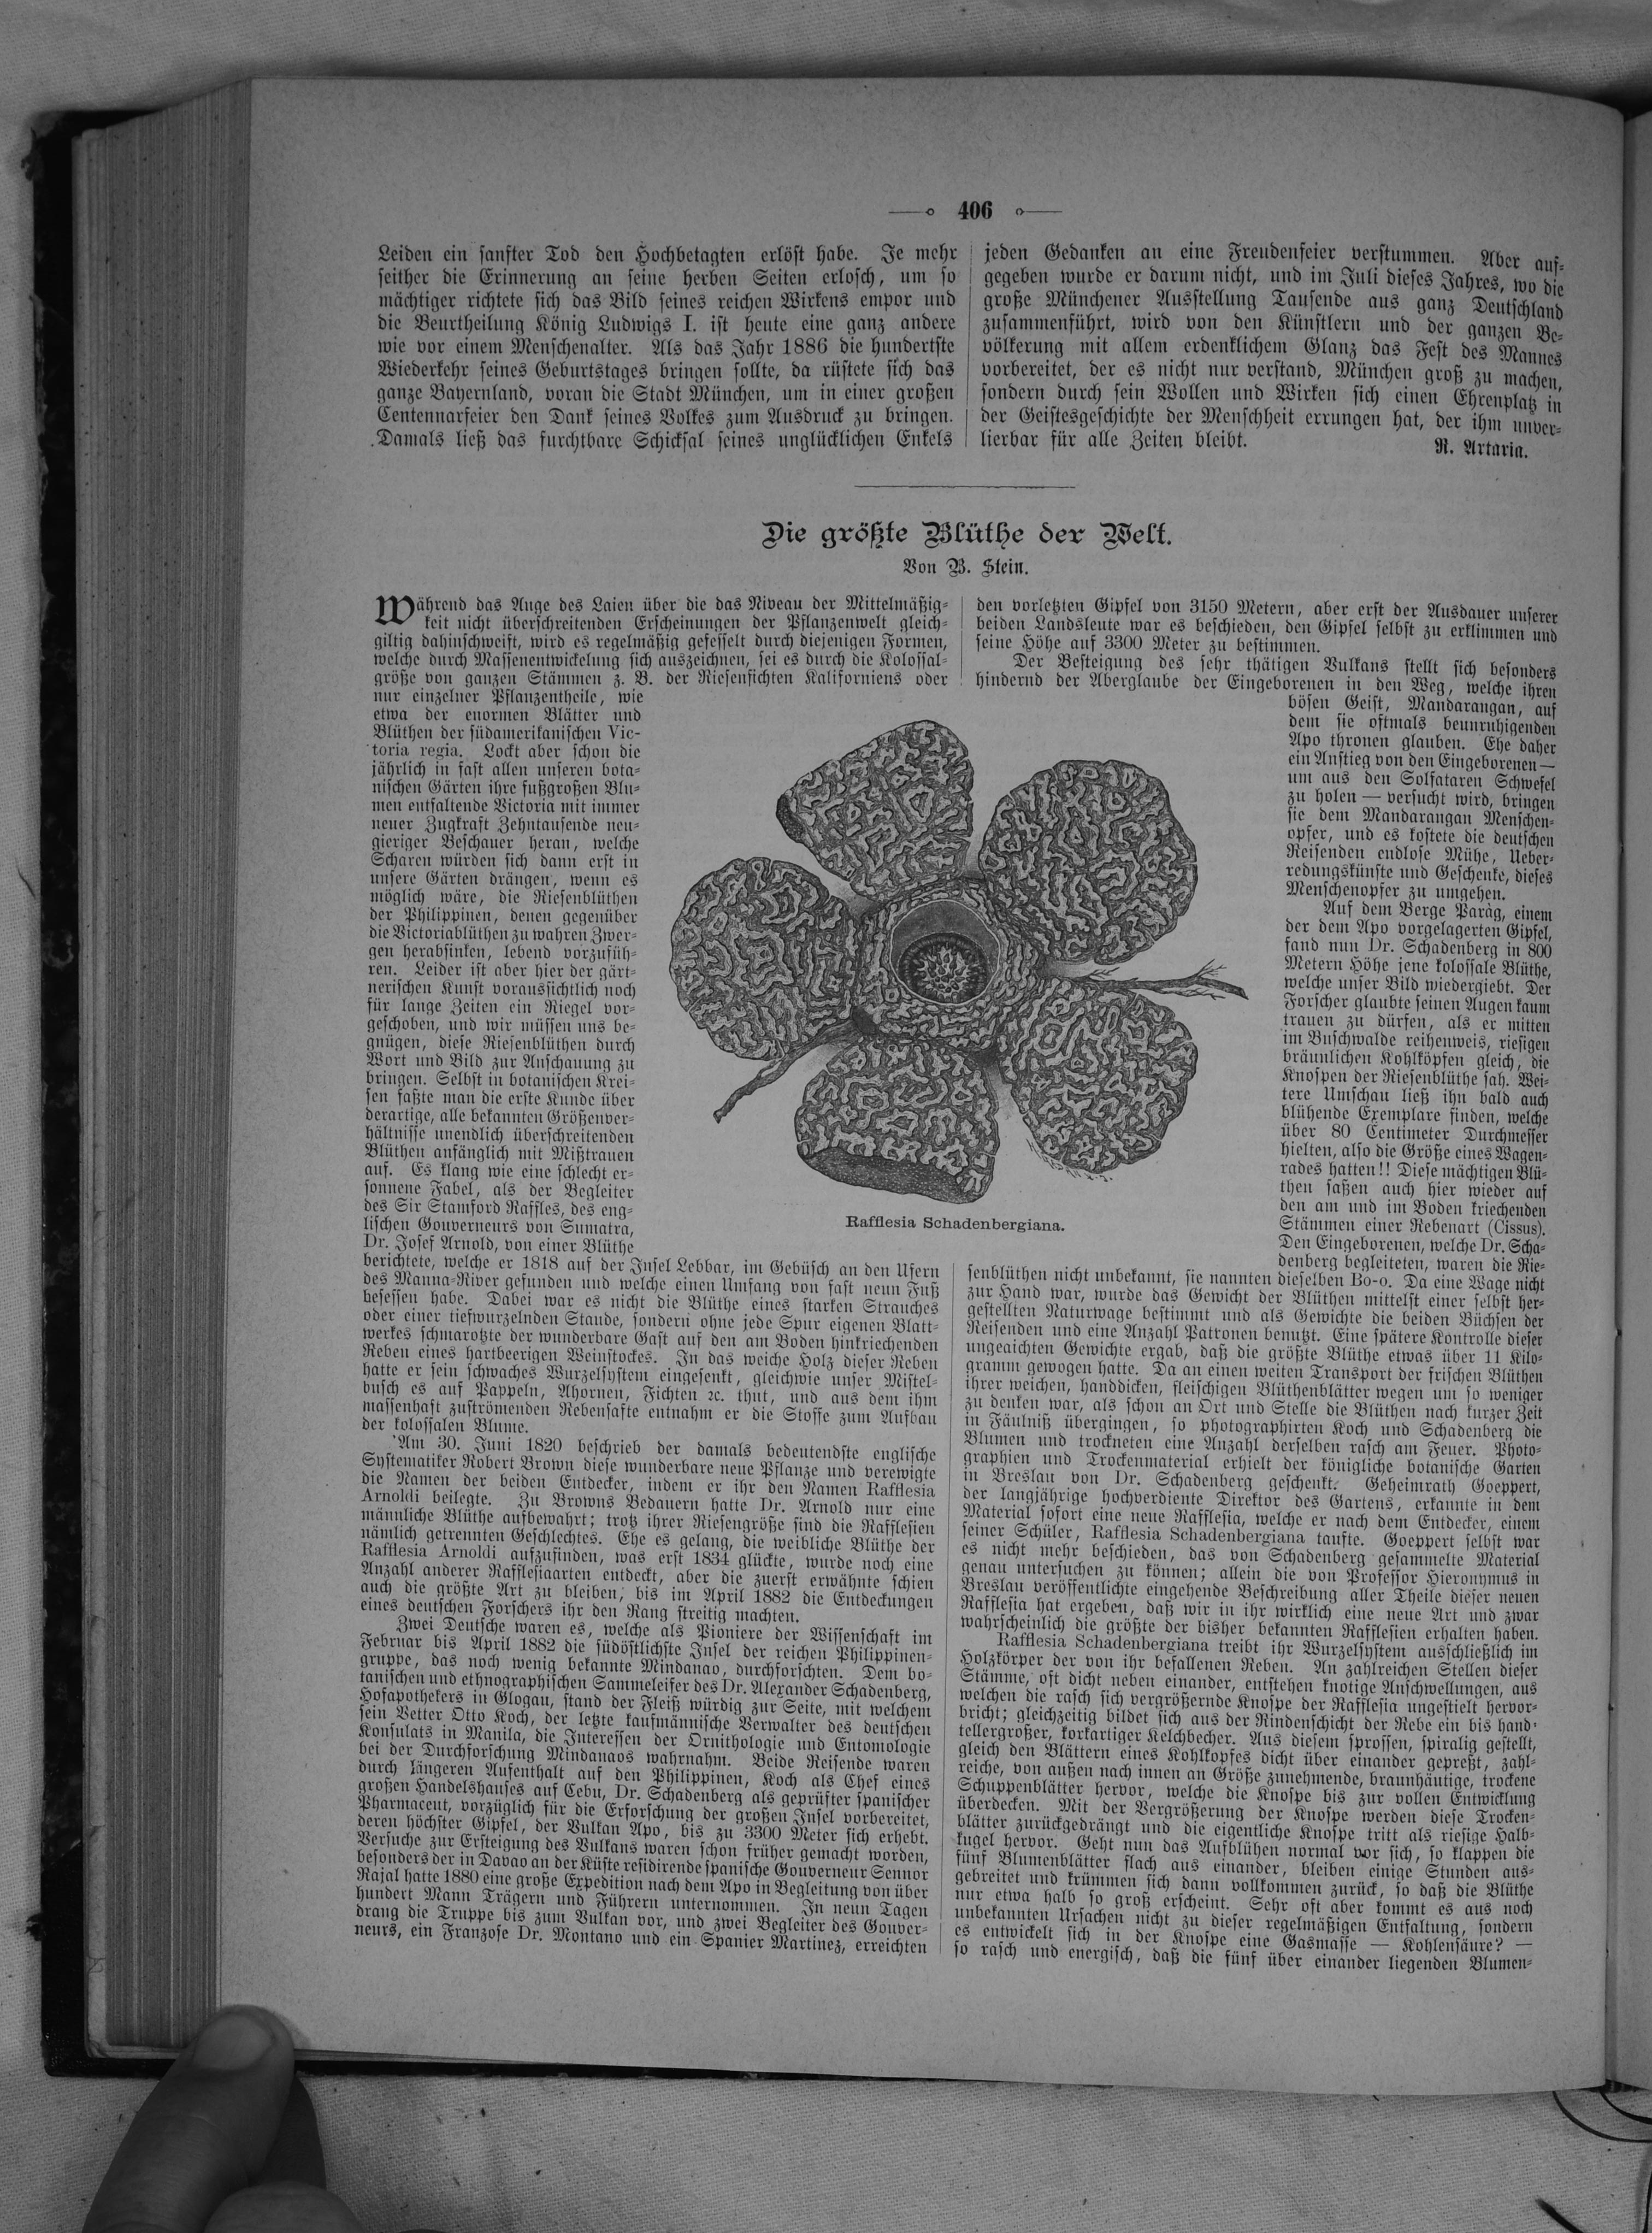Leiden ein sanfter Tod den Hochbetagten erlöst habe. Je mehr seither die Erinnerung an seine herben Seiten erlosch, um so mächtiger richtete sich das Bild seines reichen Wirkens empor und die Beurtheilung König Ludwigs I. ist heute eine ganz andere wie vor einem Menschenalter. Als das Jahr 1886 die hundertste Wiederkehr seines Geburtstages bringen sollte, da rüstete sich das ganze Bayernland, voran die Stadt München, um in einer großen Centennarfeier den Dank seines Volkes zum Ausdruck zu bringen. Damals ließ das furchtbare Schicksal seines unglücklichen Enkels jeden Gedanken an eine Freudenfeier verstummen. Aber aufgegeben wurde er darum nicht, und im Juli dieses Jahres, wo die große Münchener Ausstellung Tausende aus ganz Deutschland zusammenführt, wird von den Künstlern und der ganzen Bevölkerung mit allem erdenklichem Glanz das Fest des Mannes vorbereitet, der es nicht nur verstand, München groß zu machen, sondern durch sein Wollen und Wirken sich einen Ehrenplatz in der Geistesgeschichte der Menschheit errungen hat, der ihm unverlierbar für alle Zeiten bleibt.
R. Artaria.

Die größte Blüthe der Welt.
Von B. Stein.

Während das Auge des Laien über die das Niveau der Mittelmäßigkeit nicht übeschreitenden Erscheinungen der Pflanzenwelt gleichgiltig dahinschweift, wird es regelmäßig gefesselt durch diejenigen Formen, welche durch Massenentwickelung sich auszeichnen, sei es durch die Kolossalgröße von ganzen Stämmen z. B. der Riesenfichten Kaliforniens oder nur einzelner Pflanzentheile, wie etwa der enormen Blätter und Blüthen der südamerikanischen Victoria regia. Lockt aber schon die jährlich in fast allen unseren botanischen Gärten ihre fußgroßen Blumen entfaltende Victoria mit immer neuer Zugkraft Zehntausende neugieriger Beschauer heran, welche Scharen würden sich dann erst in unsere Gärten drängen, wenn es möglich wäre, die Riesenblüthen der Philippinen, denen gegenüber die Victoriablüthen zu wahren Zwergen herabsinken, lebend vorzuführen. Leider ist aber hier der gärtnerischen Kunst voraussichlich noch für lange Zeiten ein Riegel vorgeschoben, und wir müssen uns begnügen, diese Riesenblüthen durch Wort und Bild zur Anschauung zu bringen. Selbst in botanischen Kreisen faßte man die erste Kunde über derartige, alle bekannten Größenverhältnisse unendlich überschreitenden Blüthen anfänglich mit Mißtrauen auf. Es klang wie eine schlecht ersonnene Fabel, als der Begleiter des Sir Stamford Raffles, des englischen Gouverneurs von Sumatra, Dr. Josef Arnold, von einer Blüthe berichtete, welche er 1818 auf der Insel Lebbar, im Gebüsch an den Ufern des Manna-River gefunden und welche einen Umfang von fast neun Fuß besessen habe. Dabei war es nicht die Blüthe eines starken Strauches oder einer tiefwurzelnden Staude, sondern ohne jede Spur eigenen Blattwerkes schmarotzte der wunderbare Gast aus den am Boden hinkriechenden Reben eines hartbeerigen Weinstockes. In das weiche Holz dieser Reben hatte er sein schwaches Wurzelsystem eingesenkt, gleichwie unser Mistelbusch es auf Pappeln, Ahornen, Fichten etc. thut, und aus dem ihm massenhaft zuströmenden Rebensafte entnahm er die Stoffe zum Aufbau der kolossalen Blume.
Rafflesia Schadenbergiana.
Am 30. Juni 1820 beschrieb der damals bedeutendste englische Systematiker Robert Brown diese wunderbare neue Pflanze und verewigte die Namen der beiden Entdecker, indem er ihr den Namen Rafflesia Arnoldi beilegte. Zu Browns Bedauern hatte Dr. Arnold nur eine männliche Blüthe aufbewahrt; trotz ihrer Riesengröße sind die Rafflesien nämlich getrennten Geschlechtes. Ehe es gelang, die weibliche Blüthe der Rafflesia Arnoldi auszufinden, was erst 1834 glückte, wurde noch eine Anzahl anderer Rafflesiaarten entdeckt, aber die zuerst erwähnte schien auch die größte Art zu bleiben, bis im April die Entdeckungen eines deutschen Forschers ihr den Rang streitig machten.

Zwei Deutsche waren es, welche als Pioniere der Wissenschaft im Februar bis April 1882 die südöstlichste Insel der reichen Philippinengruppe, das noch wenig bekannte Mindanao, durchforschten. Dem botanischen und ethnographischen Sammeleifer des Dr. Alexander Schadenberg, Hofapothekers in Glogau, stand der Fleiß würdig zur Seite, mit welchem sein Vetter Otto Koch, der letzte kaufmännische Verwalter des deutschen Konsulats in Manila, die Interessen der Ornithologie und Entomologie bei der Durchforschung Mindanaos wahrnahm. Beide Reisende waren durch längeren Aufenthalt auf den Philippinen, Koch als Chef eines großen Handelshauses auf Cebu, Dr. Schadenberg als geprüfter spanischer Pharmaceut, vorzüglich für die Erforschung der großen Insel vorbereitet, deren höchster Gipfel, der Vulkan Apo, bis zu 3300 Meter sich erhebt. Versuche zur Ersteigung des Vulkans waren schon früher gemacht worden, besonders der in Davao an der Küste residirende spanische Gouverneur Sennor Rajal hatte 1880 eine große Expedition nach dem Apo in Begleitung von über hundert Mann Trägern und Führern unternommen. In neun Tagen drang die Truppe bis zum Vulkan vor, und zwei Begleiter des Gouverneurs, ein Franzose Dr. Montano und ein Spanier Martinez, erreichten den vorletzten Gipfel von 3150 Metern, aber erst der Ausdauer unserer beiden Landsleute war es beschieden, den Gipfel selbst zu erklimmen und seine Höhe auf 3300 Meter zu bestimmen.

Der Besteigung des sehr thätigen Vulkans stellt sich besonders hindernd der Aberglaube der Eingeborenen in den Weg, welche ihren bösen Geist, Mandarangan, auf dem sie oftmals beunruhigenden Apo thronen glauben. Ehe daher ein Anstieg von den Eingeborenen – um aus den Solfataren Schwefel zu holen – versucht wird, bringen sie dem Mandarangan Menschenopfer, und es kostete die deutschen Reisenden endlose Mühe, Ueberredungskünste und Geschenke, dieses Menschenopfer zu umgehen.

Auf dem Berge Parag, einem der dem Apo vorgelagerten Gipfel, fand nun Dr. Schadenberg in 800 Metern Höhe jene kolossale Blüthe, welche unser Bild wiedergiebt. Der Forscher glaubte seinen Augen kaum trauen zu dürfen, als er mitten im Buschwalde reihenweis, riesigen bräunlichen Kohlköpfen gleich, die Knospen der Riesenblüthe sah. Weitere Umschau ließ ihn bald auch blühende Exemplare finden, welche über 80 Centimeter Durchmesser hielten, also die Größe eines Wagenrades hatten!! Diese mächtigen Blüthen saßen auch hier wieder auf den am und im Boden kriechenden Stämmen einer Rebenart (Cissus). Den Eingeborenen, welche Dr. Schadenberg begleiteten, waren die Riesenblüthen nicht unbekannt, sie nannten dieselben Bo-o. Da eine Wage nicht zur Hand war, wurde das Gewicht der Blüthen mittelst einer selbst hergestellten Naturwage bestimmt und als Gewichte die beiden Büchsen der Reisenden und eine Anzahl Patronen benutzt. Eine spätere Kontrolle dieser ungeaichten Gewichte ergab, daß die großte Blüthe etwas über 11 Kilogramm gewogen hatte. Da an einen weiten Transport der frischen Blüthen ihrer weichen, handdicken, fleischigen Blüthenblätter wegen um so weniger zu denken war, als schon an Ort und Stelle die Blüthen nach kurzer Zeit in Fäulniß übergingen, so photographirten Koch und Schadenberg die Blumen und trockneten eine Anzahl derselben rasch am Feuer. Photographien und Trockenmaterial erhielt der königliche botanische Garten in Breslau von Dr. Schadenberg geschenkt. Geheimrath Goeppert, der langjährige hochverdiente Direktor des Gartens, erkannte in dem Material sofort eine neue Rafflesia, welche er nach dem Entdecker, einem seiner Schüler, Rafflesia Schadenbergiana taufte. Goeppert selbst war es nicht mehr beschieden, das von Schadenberg gesammelte Material genau untersuchen zu können, allein die von Professor Hieronymus in Breslau veröffentlichte eingehende Beschreibung aller Theile dieser neuen Rafflesia hat ergeben, daß wir in ihr wirklich eine neue Art und zwar wahrscheinlich die größte der bisher bekannten Rafflesien erhalten haben.

Rafflesia Schadenbergiana treibt ihr Wurzelsystem ausschließlich im Holzkörper der von ihr befallenen Reben. An zahlreichen Stellen dieser Stämme, oft dicht neben einander, entstehen knotige Anschwellungen, aus welchen die rasch sich vergrößernde Knospe der Rafflesia ungestielt hervorbricht; gleichzeitig bilden sich aus der Rindenschicht der Rebe ein bis handtellergroßer, korkartiger Kelchbecher. Aus diesem sprossen, spiralig gestellt, gleich den Blättern eines Kohlkopfes dicht über einander gepreßt, zahlreiche, von außen nach innen an Größe zunehmende, braunhäutige, trockene Schuppenblätter hervor, welche die Knospe bis zur vollen Entwicklung überdecken. Mit der Vergrößerung der Knospe werden diese Trockenblätter zurückgedrängt und die eigentliche Knospe tritt als riesige Halbkugel hervor. Geht nun das Aufblühen normal vor sich, so klappen die fünf Blumenblätter flach aus einander, bleiben einige Stunden ausgebreitet und krümmen sich dann vollkommen zurück, so daß die Blüthe nur etwa halb so groß erscheint. Sehr oft aber kommt es aus noch unbekannten Ursachen nicht zu dieser regelmäßigen Entfaltung, sondern es entwickelt sich in der Knospe eine Gasmasse – Kohlensäure? – so rasch und energisch, daß die fünf über einander liegenden Blumenblätter
